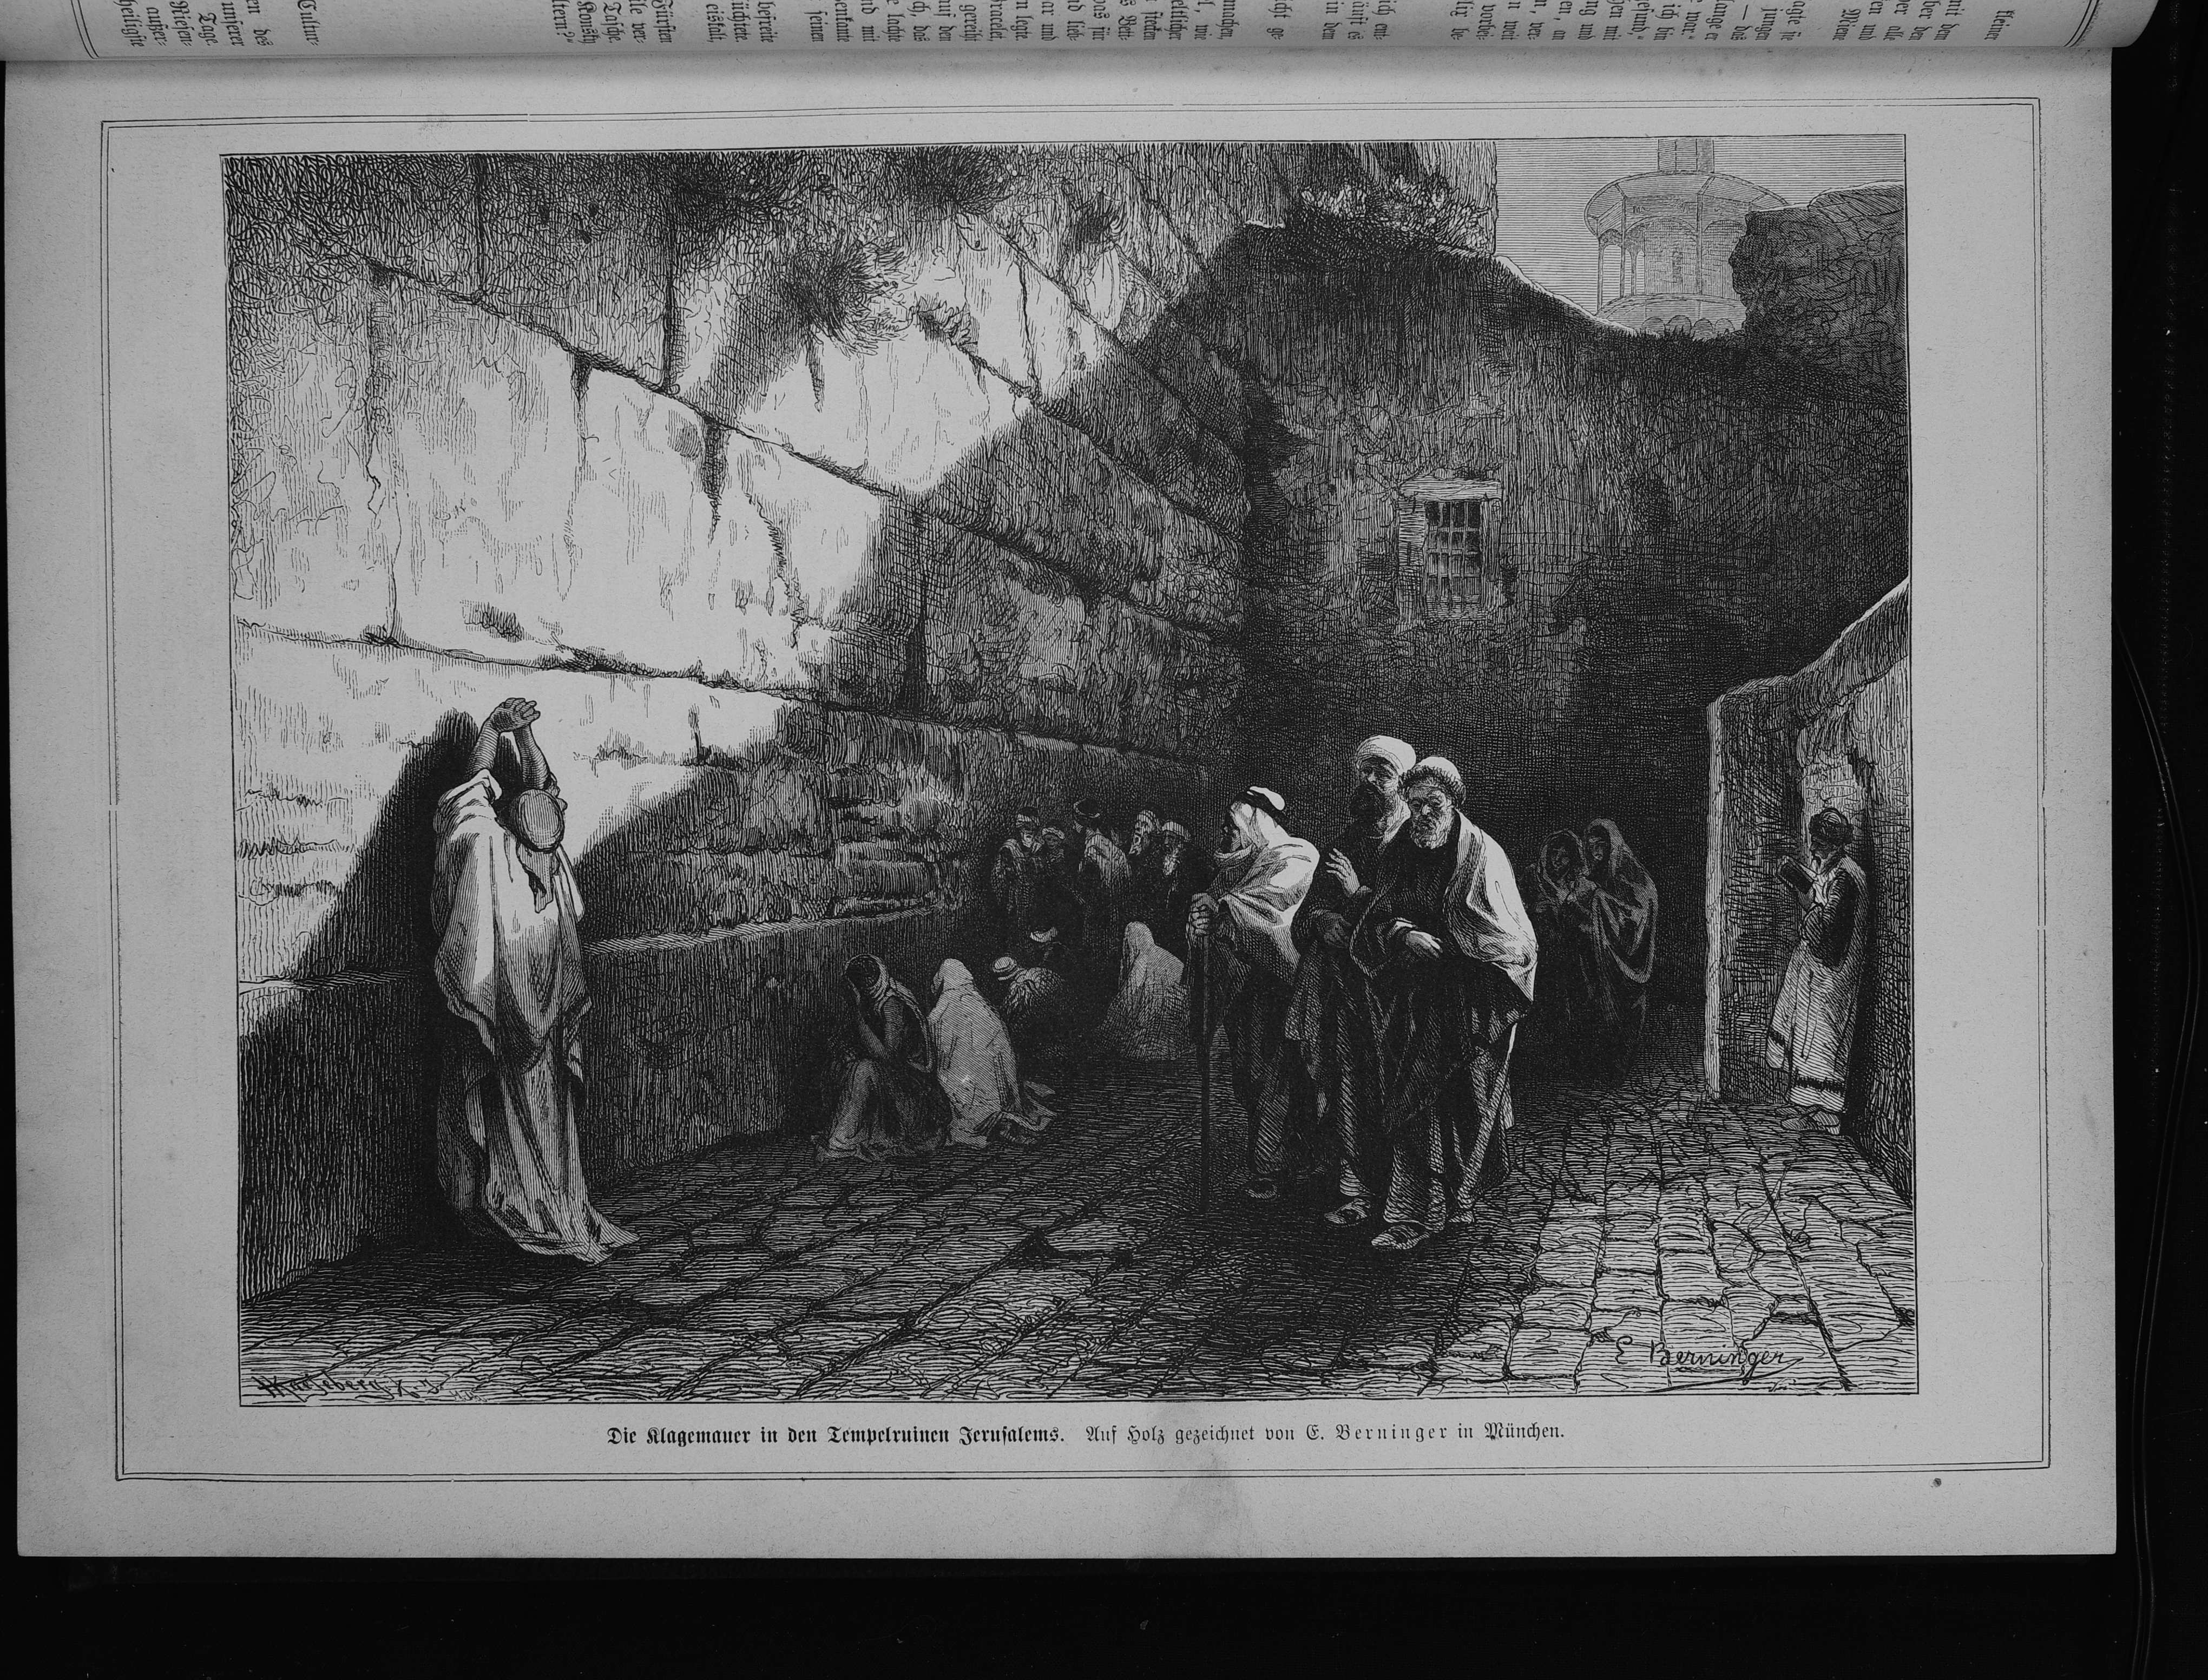Die Klagemauer in den Tempelruinen Jerusalems. Auf Holz gezeichnet von E. Berninger in München.
